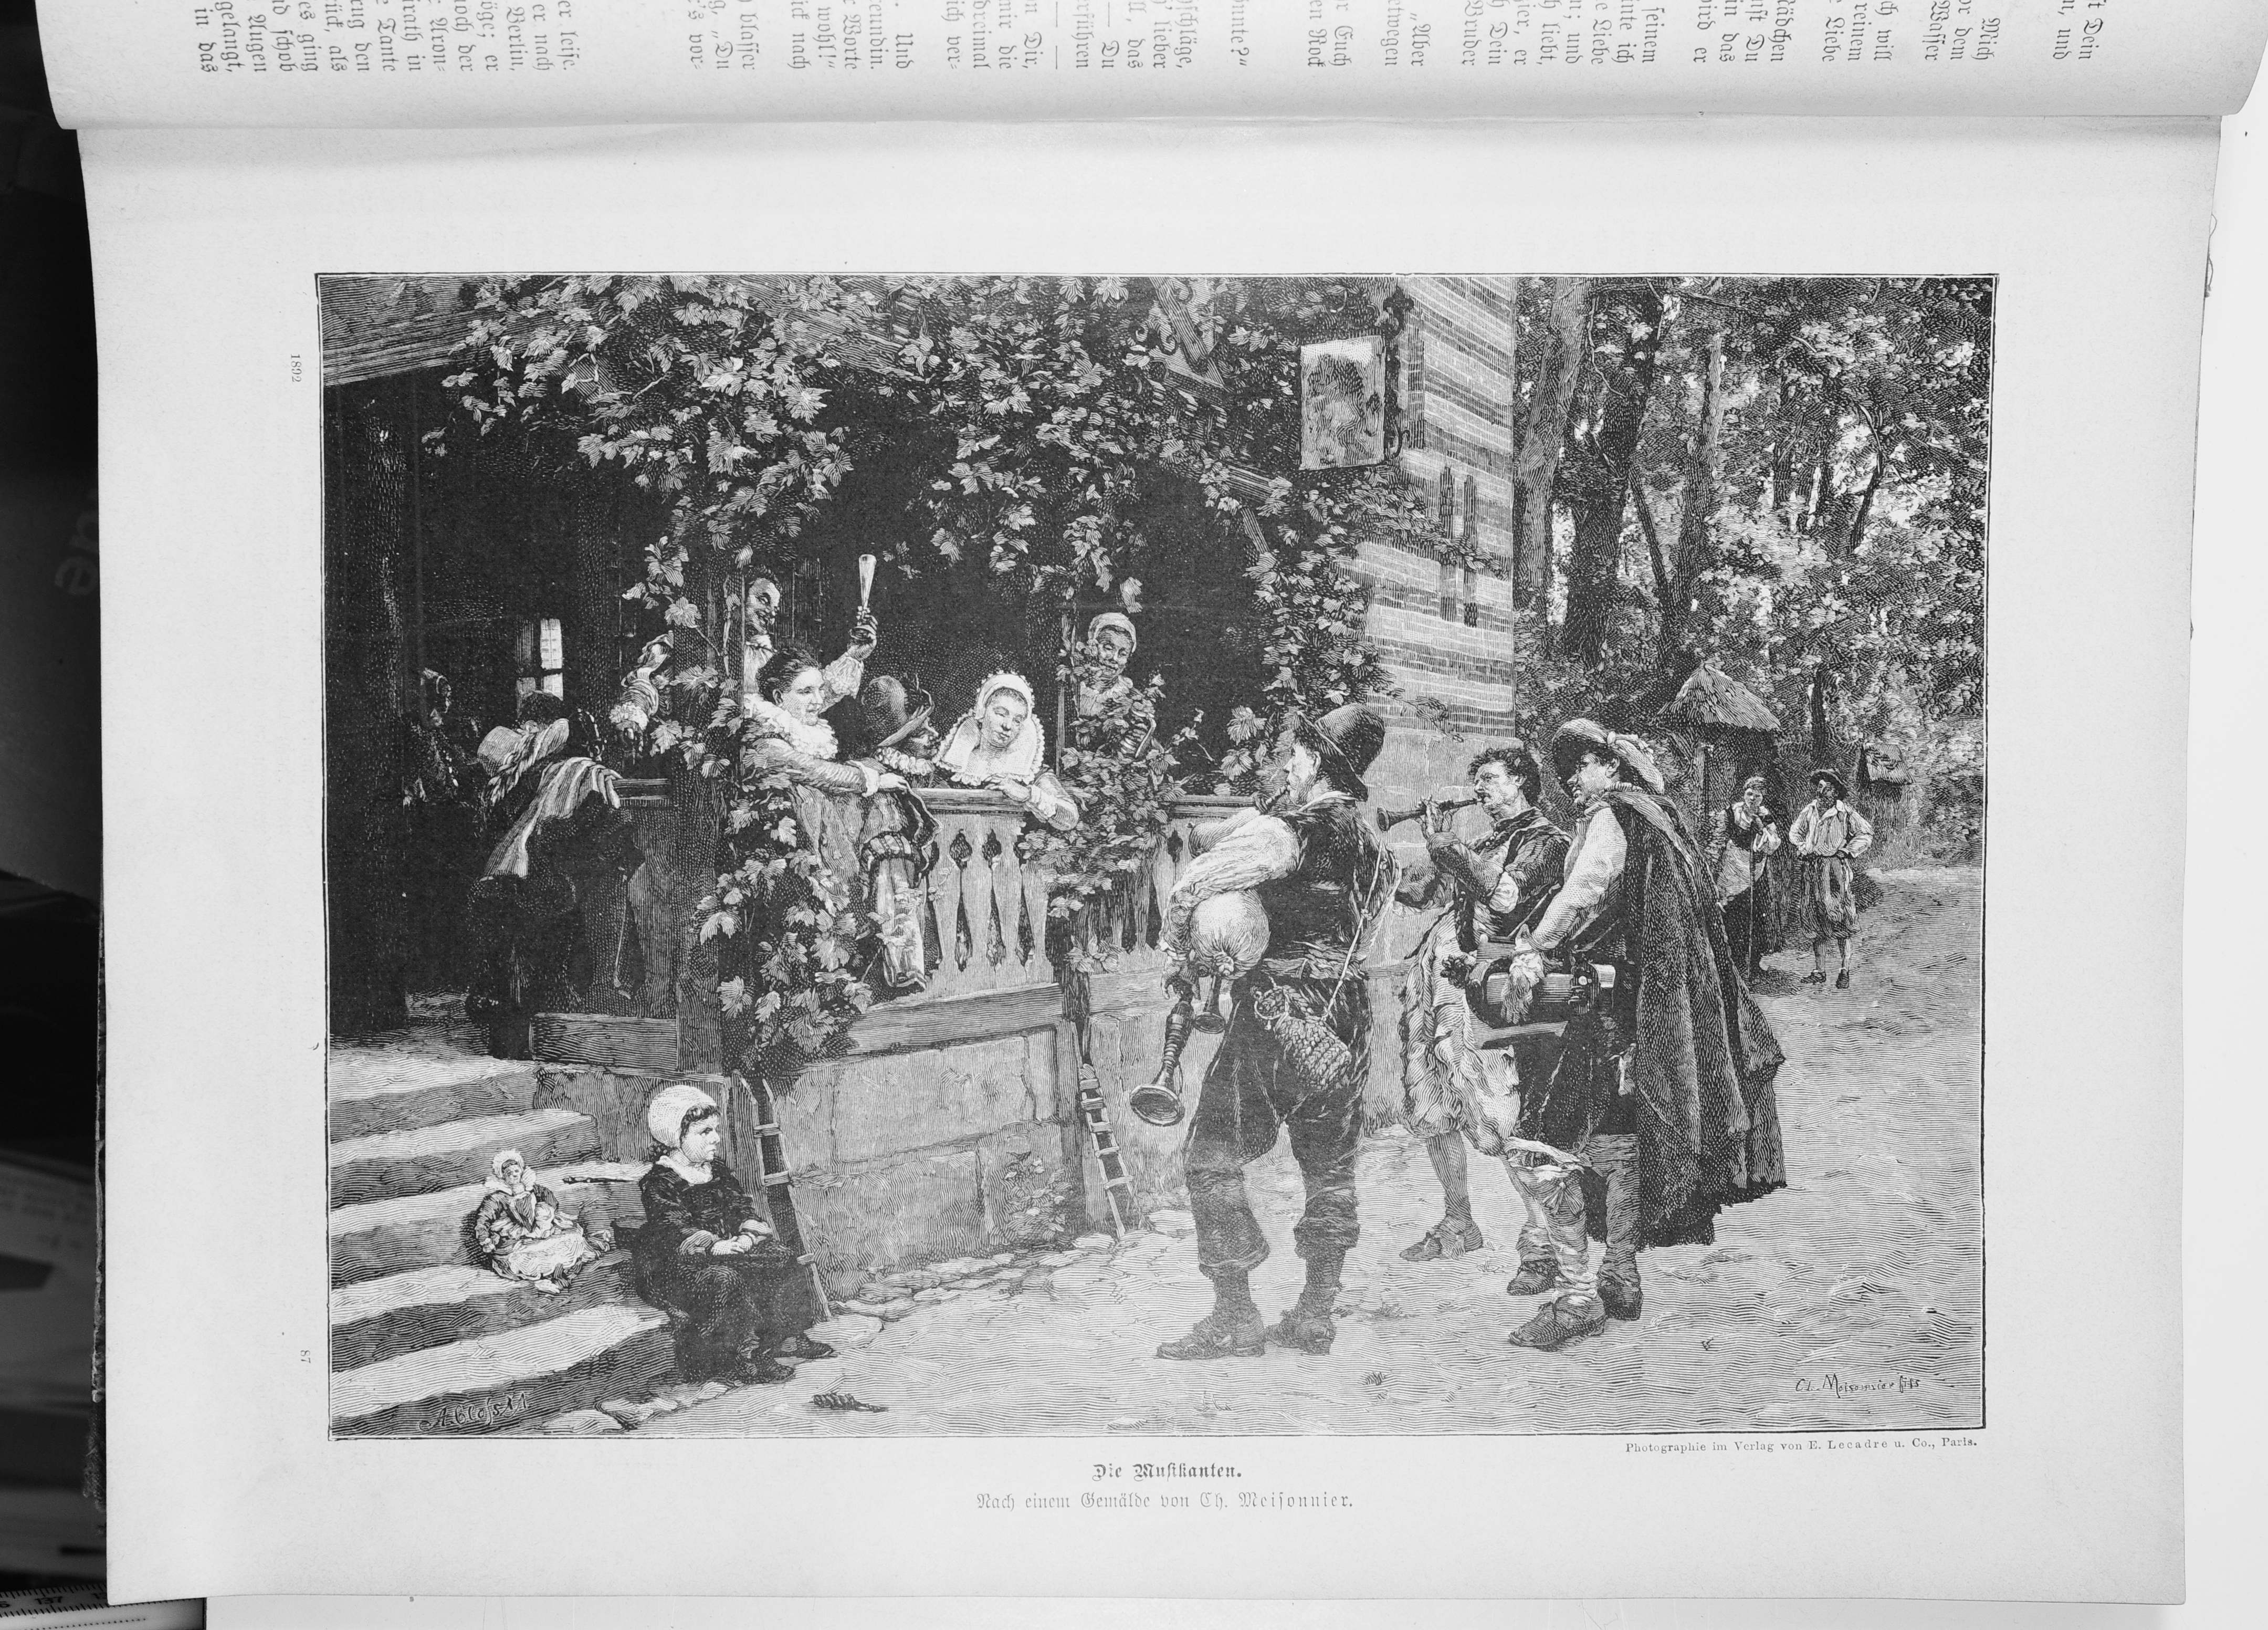Photographie im Verlag von E. Lecadre u. Co., Paris.
Die Musikanten.
Nach einem Gemälde von Ch. Meisonnier.
